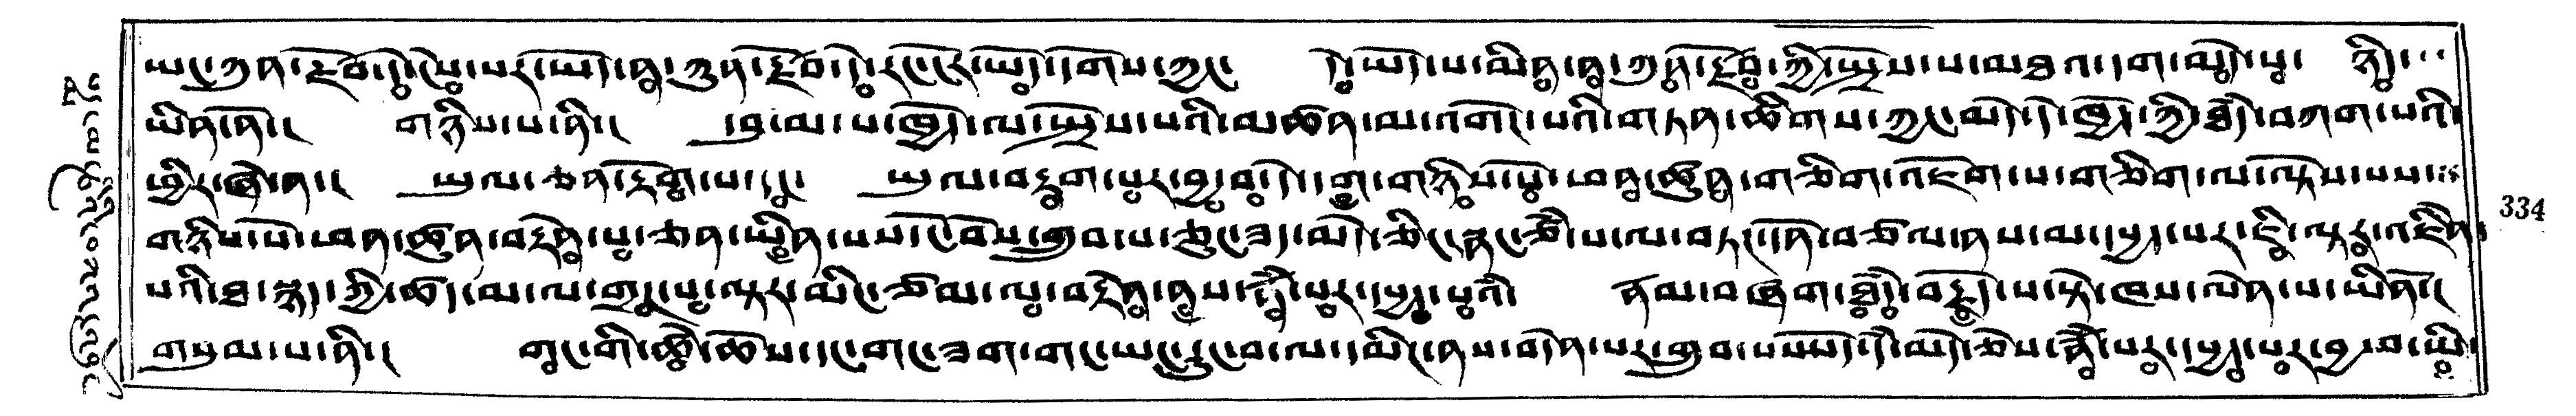ཡང་ཀུན་རྫོབ་དེ་ངེས་པར་ཡོད་ན་ཀུན་རྫོབ་དེ་རང་ངོར་ཡོད་དགོས་ཀྱང་། དེ་ཡོད་པ་མིན་ན་ཀུན་རྫོབ་ཀྱི་སྤྲོས་པ་མཐའ་དག་མེད་པ་ཉིད་
ཡིན་ནོ།། གཉིས་པ་ནི། དབུ་མ་པ་ཁྱོད་ལ་སྤྲོས་པའི་མཚན་མ་འགོག་པའི་གཏན་ཚིགས་ཀྱང་མེད་དེ་ཁྱོད་ཀྱི་ཐམས་ཅད་བཀག་པའི་
ཕྱིར་ཞེ་ན། ཡུལ་ཅན་རྟོག་པ་དང་། ཡུལ་བརྟག་པར་བྱ་བ་དེ་དག་གཉིས་པོ་ཕན་ཚུན་གཅིག་འཇོག་པ་གཅིག་ལ་ལྟོས་པས་
གཉིས་པོ་ཕན་ཚུན་བརྟེན་པ་ཅན་ཡིན་པས་ངོ་བོས་གྲུབ་པ་ཅུང་ཟད་མེད་ཅིང་སྣང་ཙམ་པ་ལ་བཏགས་དོན་བཙལ་ནས་མ་དཔྱད་པར་ཇི་ལྟར་འཇིག་རྟེན་
པའི་ཐ་སྙད་ཀྱི་ཚད་མ་ལ་གྲགས་པ་ལྟར་མིང་ཙམ་ལ་བརྟེན་ནས་རྣམ་པར་དཔྱད་པའམ། རྣམ་གཞག་ཐམས་ཅད་བརྗོད་པ་སྟེ་ཁས་ལེན་པ་ཡིན་ནོ།། 
གསུམ་པ་ནི། གང་གི་ཚེ་ཆོས་དང་གང་ཟག་གང་ཡང་རུང་བ་ལ་དམིགས་ནས་བདེན་པར་གྲུབ་པ་ཡོད་དམ་མེད་ཅེས་རྣམ་པར་དཔྱད་པར་བྱ་བ་ཡི།